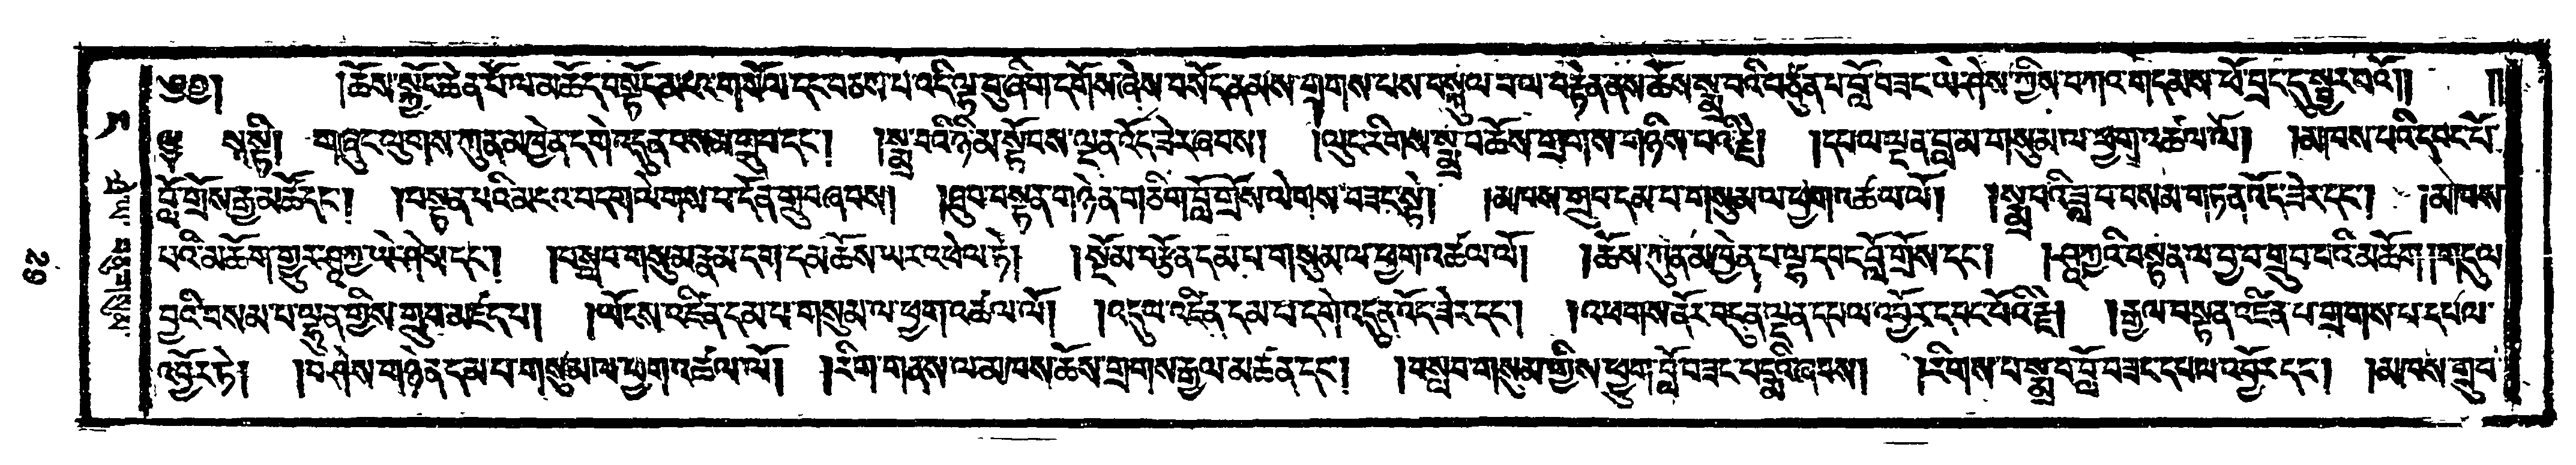༄༅། །ཆོས་སྐྱོང་ཆེན་པོ་ལ་མཆོད་བསྟོད་མངའ་གསོལ་དང་བཅས་པ་འདི་ལྟ་བུ་ཞིག་དགོས་ཞེས་བསོད་ནམས་གྲགས་པས་བསྐུལ་བ་ལ་བརྟེན་ནས་ཆོས་སྨྲ་བའི་བརྩུན་པ་བློ་བཟང་ཡེ་ཤེས་ཀྱིས་བཀའ་གདམས་ཕོ་བྲང་དུ་སྦྱར་བའོ།། །།
༈ སྭསྟི། གཞུང་ལུགས་ཀུན་མཁྱེན་དགེ་འདུན་བསམ་གྲུབ་དང་། །སྨྲ་བའི་ཉི་མ་སྟོབས་ལྡན་འོད་ཟེར་ཞབས། །ལུང་རིགས་སྨྲ་བ་ཆོས་གྲགས་གཉིས་པའི་རྗེ། །དཔལ་ལྡན་བླ་མ་གསུམ་ལ་ཕྱག་འཚལ་ལོ། །མཁས་པའི་དབང་པོ་
བློ་གྲོས་རྒྱ་མཚོ་དང་། །བསྟན་པའི་མངའ་བདག་ལེགས་པ་དོན་གྲུབ་ཞབས། །ཐུབ་བསྟན་གཉེན་གཅིག་བློ་གྲོས་ལེགས་བཟང་སྟེ། །མཁས་གྲུབ་དམ་པ་གསུམ་ལ་ཕྱག་འཚལ་ལོ། །སྨྲ་བའི་ཟླ་བ་བསམ་གཏན་འོད་ཟེར་དང་། །མཁས་
པའི་མཆོག་གྱུར་ཤཱཀྱ་ཡེ་ཤེས་དང་། །བསླབ་གསུམ་རྣམ་དག་དམ་ཆོས་ཡར་འཕེལ་ཏེ། །སྔོམ་བརྩོན་དམ་པ་གསུམ་ལ་ཕྱག་འཚལ་ལོ། །ཆོས་ཀུན་མཁྱེན་པ་ལྷ་དབང་བློ་གྲོས་དང་། །ཤཱཀྱའི་བསྟན་ལ་བྱ་བ་གྲུབ་པའི་མཆོག །གདུལ་
བྱའི་བསམ་པ་ལྷུན་གྱིས་གྲུབ་མཛད་པ། །ཡོངས་འཛིན་དམ་པ་གསུམ་ལ་ཕྱག་འཚལ་ལོ། །འདུལ་འཛིན་དམ་པ་དགེ་འདུན་འོད་ཟེར་དང་། །འཕགས་ནོར་བདུན་ལྡན་དཔལ་འབྱོར་དབང་པོའི་རྗེ། །རྒྱལ་བསྟན་འཛིན་པ་གྲགས་པ་དཔལ་
འབྱོར་ཏེ། །བཤེས་གཉེན་དམ་པ་གསུམ་ལ་ཕྱག་འཚལ་ལོ། །རིག་གནས་ལ་མཁས་ཆོས་གྲགས་རྒྱལ་མཚན་དང་། །བསླབ་གསུམ་གྱིས་ཕྱུག་བློ་བཟང་པདམའི་ཞབས། །རིགས་པ་སྨྲ་བ་བློ་བཟང་དཔལ་འབྱོར་དང་། །མཁས་གྲུབ་